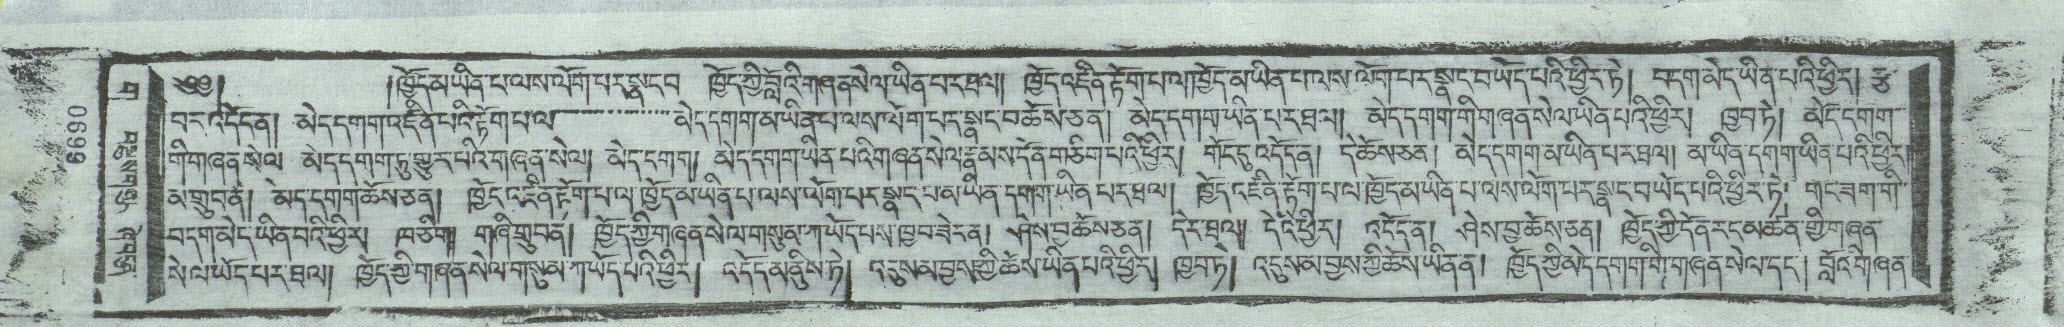༄༅། །ཁྱོད་མ་ཡིན་པ་ལས་ལོག་པར་སྣང་བ་ཁྱོད་ཀྱི་བློའི་གཞན་སེལ་ཡིན་པར་ཐལ། ཁྱོད་འཛིན་རྟོག་པ་ལ་ཁྱོད་མ་ཡིན་པ་ལས་ལོག་པར་སྣང་བ་ཡོད་པའི་ཕྱིར་ཏེ། བདག་མེད་ཡིན་པའི་ཕྱིར། རྩ་
བར་འདོད་ན། མེད་དགག་འཛིན་པའི་རྟོག་པ་ལ་མེད་དགག་མ་ཡིན་པ་ལས་ལོག་པར་སྣང་བ་ཆོས་ཅན། མེད་དགག་ཡིན་པར་ཐལ། མེད་དགག་གི་གཞན་སེལ་ཡིན་པའི་ཕྱིར། ཁྱབ་ཏེ། མེད་དགག་
གི་གཞན་སེལ་མེད་དགག་ཏུ་གྱུར་པའི་གཞན་སེལ། མེད་དགག། མེད་དགག་ཡིན་པའི་གཞན་སེལ་རྣམས་དོན་གཅིག་པའི་ཕྱིར། གོང་དུ་འདོད་ན། དེ་ཆོས་ཅན། མེད་དགག་མ་ཡིན་པར་ཐལ། མ་ཡིན་དགག་ཡིན་པའི་ཕྱིར།
མ་གྲུབ་ན། མེད་དགག་ཆོས་ཅན། ཁྱོད་འཛིན་རྟོག་པ་ལ་ཁྱོད་མ་ཡིན་པ་ལས་ལོག་པར་སྣང་པ་མ་ཡིན་དགག་ཡིན་པར་ཐལ། ཁྱོད་འཛིན་རྟོག་པ་ལ་ཁྱོད་མ་ཡིན་པ་ལས་ལོག་པར་སྣང་བ་ཡོད་པའི་ཕྱིར་ཏེ། གང་ཟག་གི་
བདག་མེད་ཡིན་པའི་ཕྱིར། ཁ་ཅིག། གཞི་གྲུབ་ན། ཁྱོད་ཀྱི་གཞན་སེལ་གསུམ་ཀ་ཡོད་པས་ཁྱབ་ཟེར་ན། ཤེས་བྱ་ཆོས་ཅན། དེར་ཐལ། དེའི་ཕྱིར། འདོད་ན། ཤེས་བྱ་ཆོས་ཅན། ཁྱོད་ཀྱི་དོན་རང་མཚན་གྱི་གཞན་
སེལ་ཡོད་པར་ཐལ། ཁྱོད་ཀྱི་གཞན་སེལ་གསུམ་ཀ་ཡོད་པའི་ཕྱིར། འདོད་མི་ནུས་ཏེ། འདུས་མ་བྱས་ཀྱི་ཆོས་ཡིན་པའི་ཕྱིར། ཁྱབ་ཏེ། འདུས་མ་བྱས་ཀྱི་ཆོས་ཡིན་ན། ཁྱོད་ཀྱི་མེད་དགག་གི་གཞན་སེལ་དང་། བློའི་གཞན་